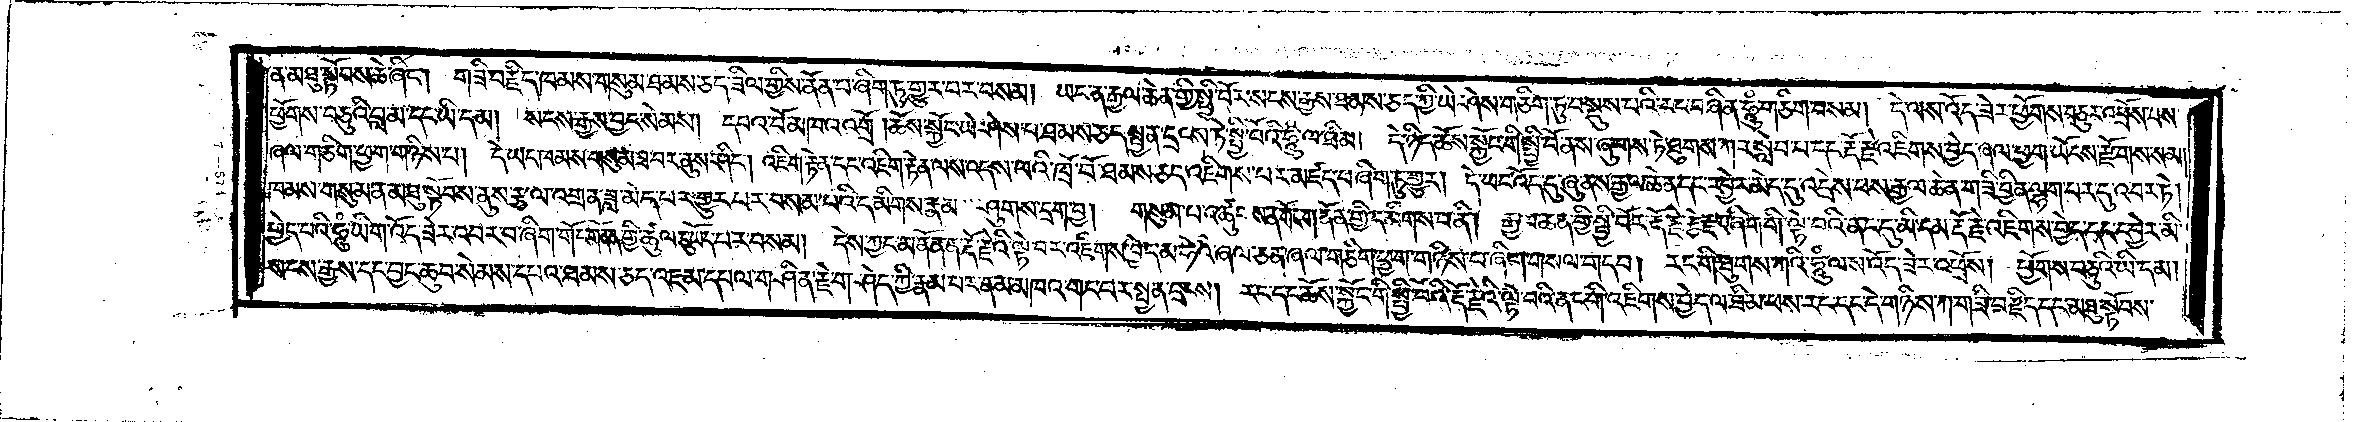ན་མཐུ་སྟོབས་ཆེ་ཞིང་། གཟི་བརྗིད་ཁམས་གསུམ་ཐམས་ཅད་ཟིལ་གྱིས་ནོན་པ་ཞིག་ཏུ་གྱུར་པར་བསམ། ཡང་ན་རྒྱལ་ཆེན་གྱི་སྤྱི་བོར་སངས་རྒྱས་ཐམས་ཅད་ཀྱི་ཡེ་ཤེས་གཅིག་ཏུ་བསྡུས་པའི་རང་བཞིན་ཧཱུཾ་གཅིག་བསམ། དེ་ལས་འོད་ཟེར་ཕྱོགས་བཅུར་འཕྲོས་པས་
ཕྱོགས་བཅུའི་བླ་མ་དང་ཡི་དམ། སངས་རྒྱས་བྱང་སེམས། དཔའ་བོ་མཁའ་འགྲོ། ཆོས་སྐྱོང་ཡེ་ཤེས་པ་ཐམས་ཅད་སྤྱན་དྲངས་ཏེ་སྤྱི་བོའི་ཧཱུཾ་ལ་ཐིམ། དེ་ཉིད་ཆོས་སྐྱོང་གི་སྤྱི་བོ་ནས་ཞུགས་ཏེ་ཐུགས་ཀར་སླེབ་པ་དང་རྡོ་རྗེ་འཇིགས་བྱེད་ཞལ་ཕྱག་ཡོངས་རྫོགས་སམ་
ཞལ་གཅིག་ཕྱག་གཉིས་པ། དེ་ཡང་ཁམས་གསུམ་ཟ་བར་ནུས་ཤིང་། འཇིག་རྟེན་དང་འཇིག་རྟེན་ལས་འདས་པའི་ཁྲོ་བོ་ཐམས་ཅད་འཇིགས་པར་མཛད་པ་ཞིག་ཏུ་གྱུར། དེ་ཡང་འོད་དུ་ཞུ་ནས་རྒྱལ་ཆེན་དང་དབྱེར་མེད་དུ་འདྲེས་པས་རྒྱལ་ཆེན་གཟི་བྱིན་ལྷག་པར་དུ་འབར་ཏེ།
ཁམས་གསུམ་ན་མཐུ་སྟོབས་ནུས་རྩལ་འགྲན་ཟླ་མེད་པར་གྱུར་པར་བསམ་པའི་དམིགས་རྣམ་ཤུགས་དྲག་བྱ། གསུམ་པ་འཚུབས་ན་གོང་གནོན་གྱི་དམིགས་པ་ནི། རྒྱལ་ཆེན་གྱི་སྤྱི་བོར་རྡོ་རྗེ་རྩེ་ལྔ་བ་ཞིག་གི་ལྟེ་བའི་ནང་དུ་ཡི་དམ་རྡོ་རྗེ་འཇིགས་བྱེད་དང་དབྱེར་མི་
ཕྱེད་པའི་ཧཱུཾ་ཡིག་འོད་ཟེར་འབར་བ་ཞིག་གོང་གནོན་གྱི་ཚུལ་དུ་ཡོད་པར་བསམ། དེས་ཀྱང་མནོན་ན་རྡོ་རྗེའི་ལྟེ་བར་འཇིགས་བྱེད་མ་ཧེའི་ཞལ་ཅན་ཞལ་གཅིག་ཕྱག་གཉིས་པ་ཞིག་གསལ་གདབ། རང་གི་ཐུགས་ཀའི་ཧཱུཾ་ལས་འོད་ཟེར་འཕྲོས། ཕྱོགས་བཅུའི་ཡི་དམ།
སངས་རྒྱས་དང་བྱང་ཆུབ་སེམས་དཔའ་ཐམས་ཅད་འཇམ་དཔལ་གཤིན་རྗེ་གཤེད་ཀྱི་རྣམ་པར་ནམ་མཁའ་གང་བར་སྤྱན་དྲངས། རང་དང་ཆོས་སྐྱོང་གི་སྤྱི་བོའི་རྡོ་རྗེའི་ལྟེ་བའི་ནང་གི་འཇིགས་བྱེད་ལ་ཐིམ་པས་རང་དང་དེ་གཉིས་ཀ་གཟི་བརྗིད་དང་མཐུ་སྟོབས་